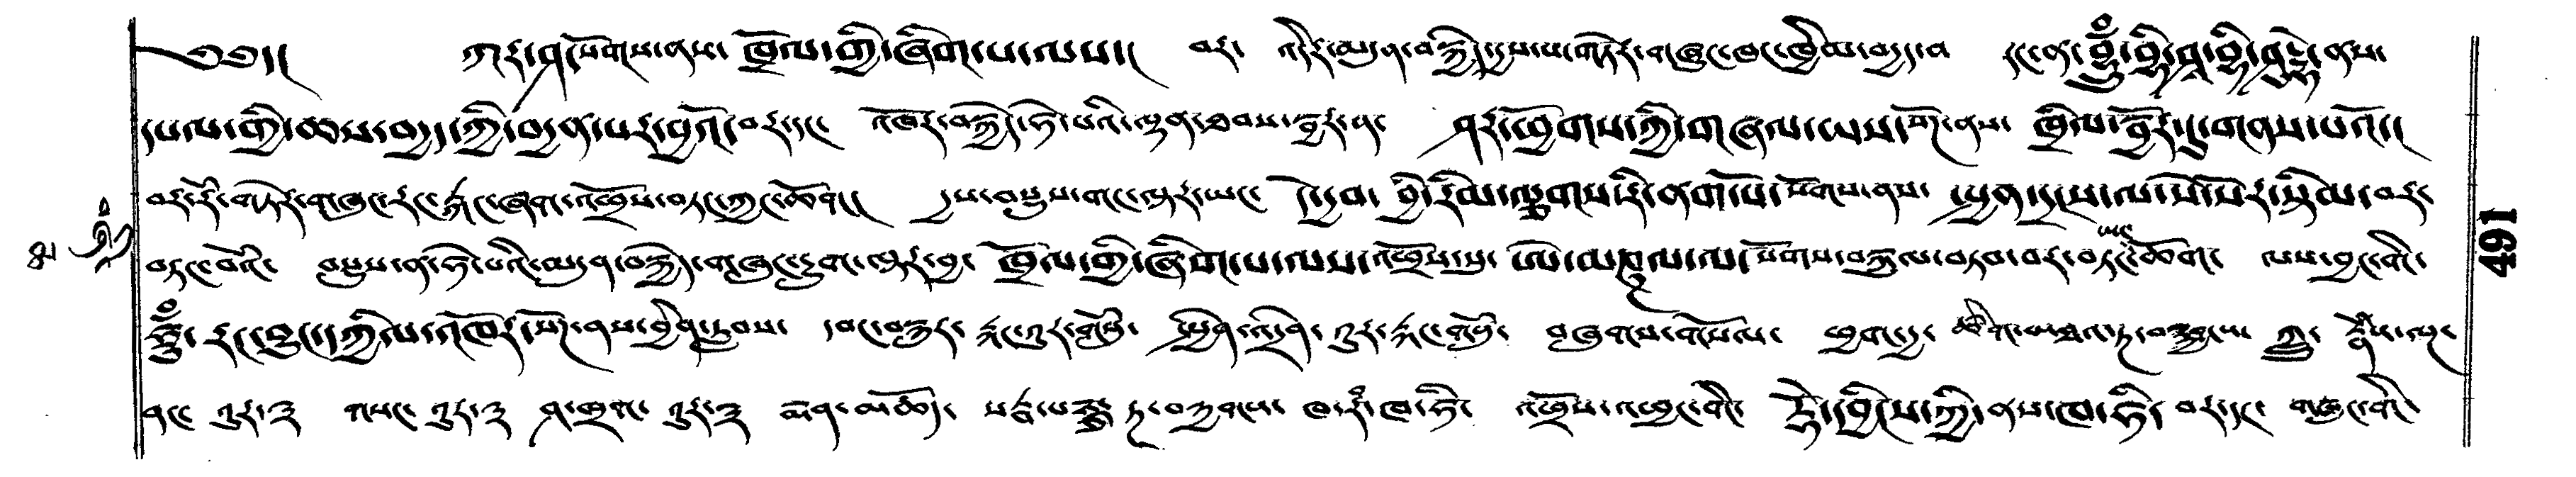ཀརྴ་ཡ༴ སོགས་ནས། ཁྲོལ་གྱི་ཞིག་པ་ལས༔ བར། འདིར་མདུན་བསྐྱེད་རྒྱས་པ་གཏེར་གཞུང་ཁང་ཁྱིམ་བརྒྱད་པ། ཡང་ན། བྷྲུྃ་བྷི་ཤྭ་བྷི་ཤུདྡྷེ༴ ནས། 
དཔལ་གྱི་ཆས་བརྒྱད་ཀྱི་བརྒྱན་པར་བྱའོ། བར་དང་། འཁོར་བསྐྱེད་ཧེ་པའི་ལྷན་ཐབས་སྦྱར་ན། ཤར་ཕྱོགས་ཀྱི་གཞལ་ཡས༴ སོགས་ནས། ཁྲིལ་སྦྱོར་དུ་གནས་པའོ། 
བར་རམ་གཏེར་གཞུང་ནང་གི་ལྷག་འཕྲོས་བཏང་ཀྱང་ཆོག རྒྱས་བསྡུས་གང་ལྟར་ཡང་། དེ་རྒྱབ་ཕྱི་རིམ་ལྕགས་རི་ནག་པོ༴ སོགས་ནས། སྤྱན་དྲངས་ལ་སོ་སོར་སྟིམ༴ བར་
གཏོང་བའམ། བསྡུ་ན་ཧེ་པའི་མདུན་བསྐྱེད་གཞུང་རྒྱུག་ལྟར་བྱ། ཁྲོལ་གྱི་ཞིག་པ་ལས༴ འཕྲོས་སུ། ཨེ་མཎྜལ་ལ༴ སོགས་བསྐུལ་བཏབ་བར་བཏང་ཡང་ཆོགལས་བྱང་གི 
ཧཱུྃ༔རང་བྱུང་དཀྱིལ་འཁོར༴ སོགས་ནས་བྱིན་བརླབས། དབང་བསྐུར་ ( རྐང་འུར་གསུམ། ) སྤྱན་འདྲེན་ ( འུར་རྐང་གསུམ། ) བཞུགས་གསོལ། ཕྱག་རྒྱ་ ( ཚིག་མཐའ་རྔ་བཀྱགས། ) གླུ། རྣམ་ལྔ། 
ནང་། ( འུར་གསུམ། ) གསང་། ( འུར་གསུམ། ) ཤ་ཁྲག ( འུར་གསུམ། ) སྨན་མཆོད། སརྦ་པཉྩ༴ རྔ་བཀྱགས། ཁ་རཾ་ཁ་ཧིཿ འཕྲོས་འཕྱང་ག རྡོ་རྗེ་དབྱིངས་ཀྱི༴ ནས། ཁ་ཧིཿ བར་དང་། གཞུང་གི